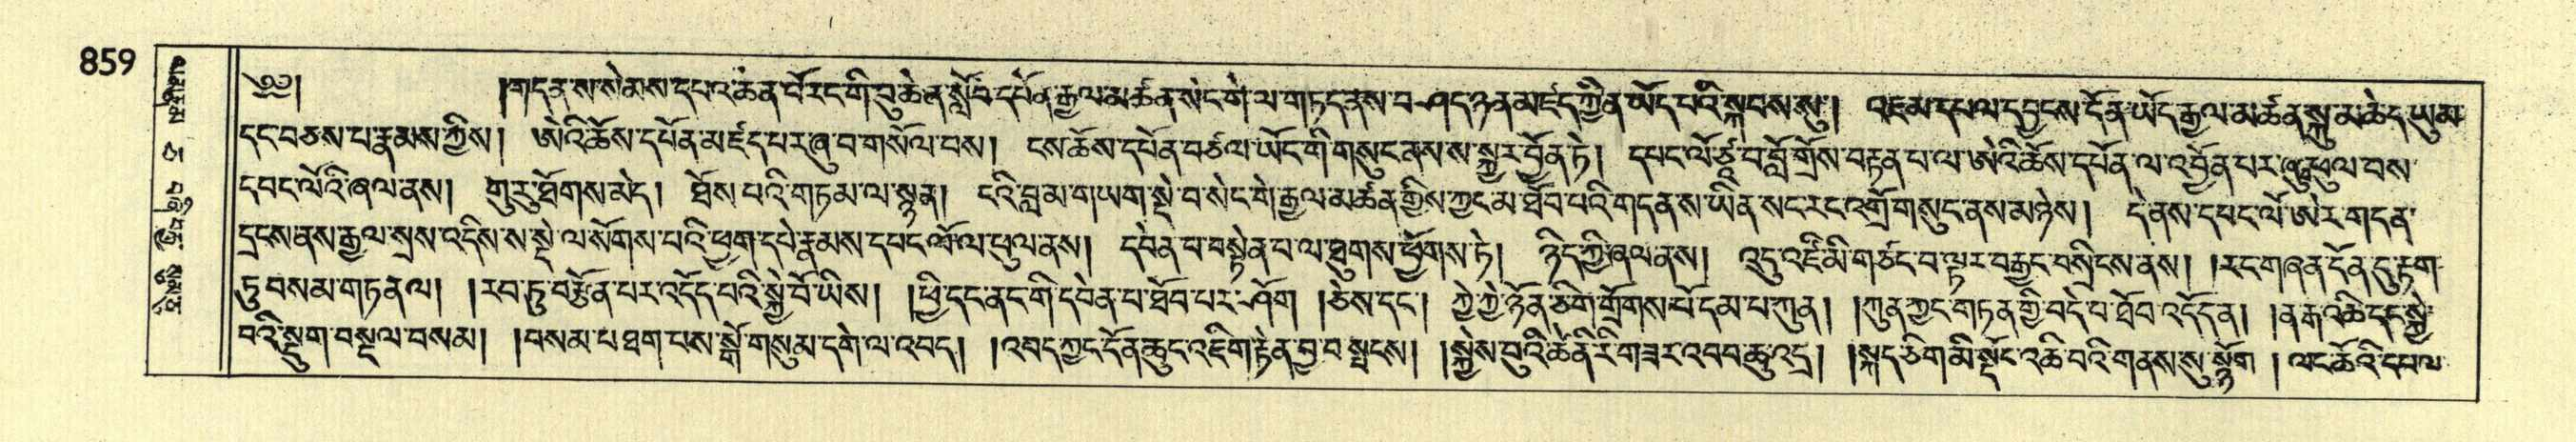༄༅། །གདན་ས་སེམས་དཔའ་ཆེན་པོ་རང་གི་བུ་ཆེན་སློབ་དཔོན་རྒྱལ་མཚན་སེང་གེ་ལ་གཏད་ནས་བཤད་ཉན་མཛད་ཀྱིན་ཡོད་པའི་སྐབས་སུ། འཇམ་དཔལ་དབྱངས་དོན་ཡོད་རྒྱལ་མཚན་སྐུ་མཆེད་ཡུམ་
དང་བཅས་པ་རྣམས་ཀྱིས། ཨེའི་ཆོས་དཔོན་མཛད་པར་ཞུ་བ་གསོལ་བས། ངས་ཆོས་དཔོན་བཙལ་ཡོང་གི་གསུང་ནས་ས་སྐྱར་བྱོན་ཏེ། དཔང་ལོ་ཙཱ་བ་བློ་གྲོས་བརྟན་པ་ལ་ཨེའི་ཆོས་དཔོན་ལ་འབྱོན་པར་ཞུ་བ་ཕུལ་བས་
དབང་ལོའི་ཞལ་ནས། གུ་རུ་ཐོགས་མེད། ཐོས་པའི་གཏམ་ལ་སྙན། ངའི་བླ་མ་གཡག་སྡེ་བ་སེང་གེ་རྒྱལ་མཚན་གྱིས་ཀྱང་མ་ཐོབ་པའི་གདན་ས་ཡིན་སང་རང་འགྲོ་གསུང་ནས་མཉེས། དེ་ནས་དཔང་ལོ་ཨེར་གདན་
དྲངས་ནས་རྒྱལ་སྲས་འདིས་ས་སྡེ་ལ་སོགས་པའི་ཕྱག་དཔེ་རྣམས་དཔང་ལོ་ལ་ཕུལ་ནས། དབེན་པ་བསྟེན་པ་ལ་ཐུགས་ཕྱོགས་ཏེ། ཉིད་ཀྱི་ཞལ་ནས། འདུ་འཛི་མི་གཙང་བ་ལྟར་བརྒྱང་བསྲིངས་ནས། །རང་གཞན་དོན་དུ་རྟག་
ཏུ་བསམ་གཏན་ལ། །རབ་ཏུ་བརྩོན་པར་འདོད་པའི་སྐྱེ་བོ་ཡིས། །ཕྱི་དང་ནང་གི་དབེན་པ་ཐོབ་པར་ཤོག །ཅེས་དང་། ཀྱེ་ཀྱེ་ཉོན་ཅིག་གྲོགས་པོ་དམ་པ་ཀུན། །ཀུན་ཀྱང་གཏན་གྱི་བདེ་པ་ཐོབ་འདོད་ན། །ན་རྒ་འཆི་དང་སྐྱེ་
བའི་སྡུག་བསྔལ་བསམ། །བསམ་པ་ཐག་པས་སྒོ་གསུམ་དགེ་ལ་འབད། །འབད་ཀྱང་དོན་ཆུང་འཇིག་རྟེན་བྱ་བ་སྤངས། །སྐྱེས་བུའི་ཚེ་ནི་རི་གཟར་འབབ་ཆུ་འདྲ། །སྐད་ཅིག་མི་སྡོང་འཆི་བའི་གནས་སུ་སྙོག །ལང་ཆོའི་དཔལ་